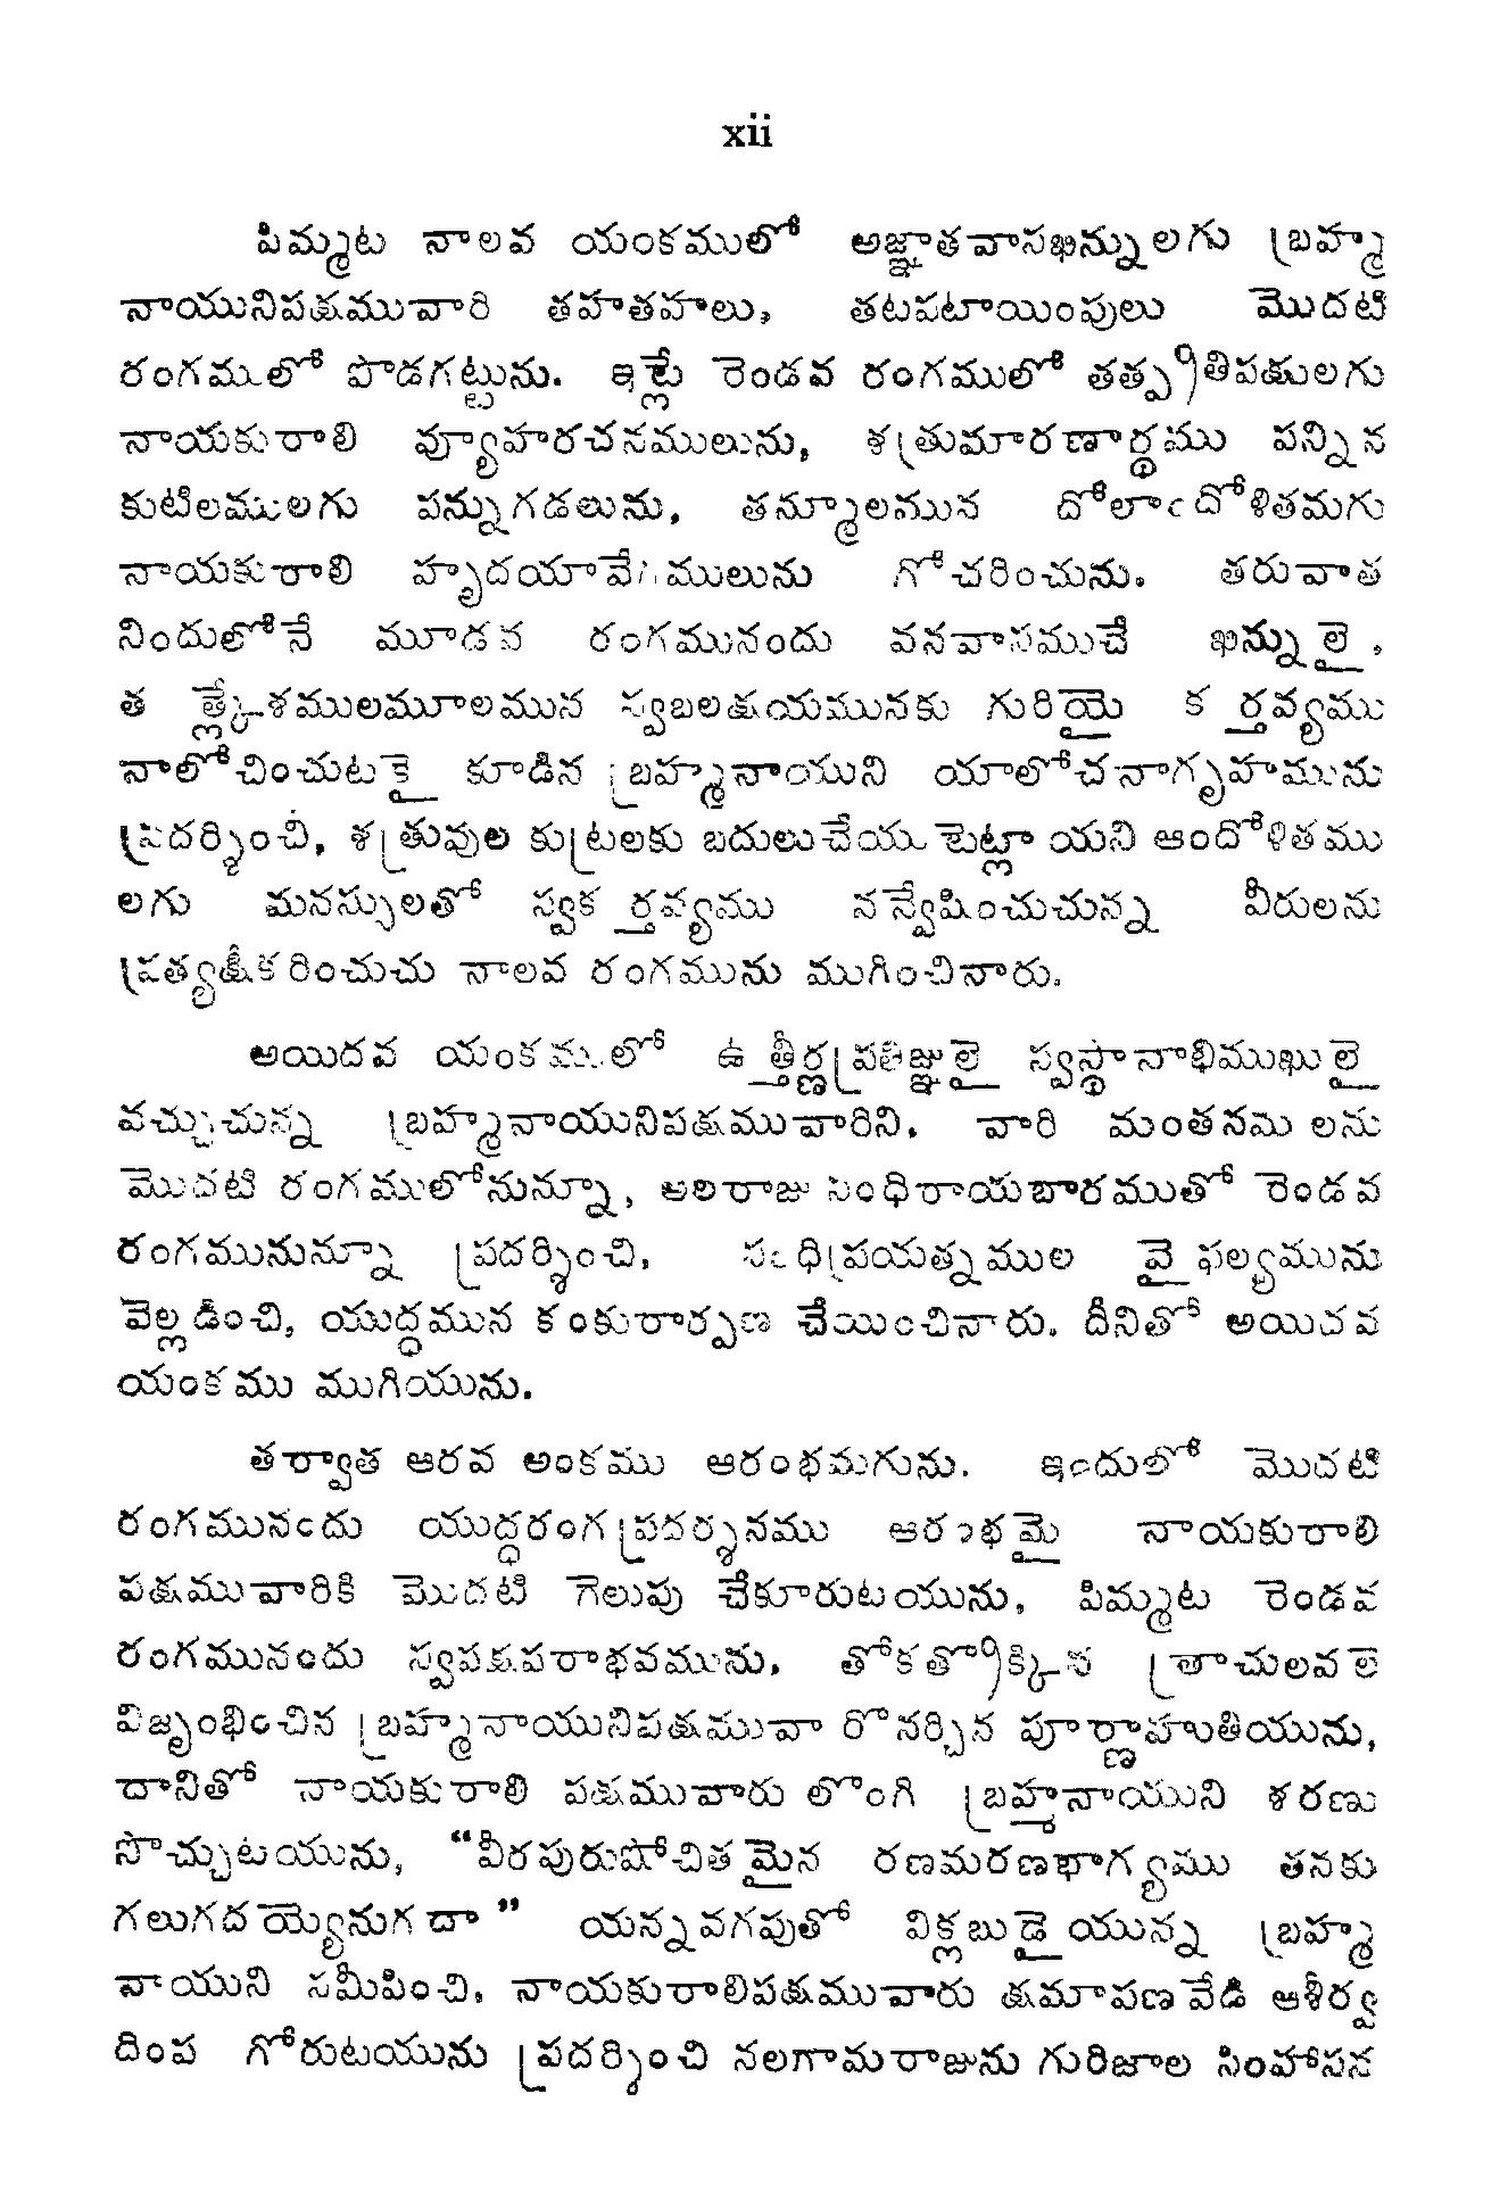పిమ్మట నాలవ యంకములో అజ్ఞాతవాసఖిన్నులగు బ్రహ్మనాయునిపక్షమువారి తహతహలు, తటపటాయింపులు మొదటిరంగములో పొడగట్టును. ఇట్లే రెండవ రంగములో తత్ప్రతిపక్షులగు
నాయకురాలి వ్యూహరచనములును, శత్రుమారణార్థము పన్నిన కుటిలములగు పన్నుగడలును, తన్మూలమున దోలాఁదోళితమగు నాయకురాలి హృదయావేగములును గోచరించును. తరువాత
నిందులోనే మూడవ రంగమునందు వనవాసముచే ఖిన్నులై , త త్ల్కేశములమూలమున స్వబలక్షయమునకు గురియై కర్తవ్యము నాలోచించుటకై కూడిన బ్రహ్మనాయుని యాలోచనా గృహమును ప్రదర్శించి, శత్రువుల కుట్రలకు బదులుచేయుటెట్లాయని ఆందోళితములగు
మనస్సులతో స్వకర్తవ్యము నన్వేషించుచున్న వీరులను ప్రత్యక్షీకరించుచు నాలవ రంగమును ముగించినారు.

అయిదవ యంకములో ఉత్తీర్ణప్రతిజ్ఞులై స్వస్థానాభిముఖులై వచ్చుచున్న బ్రహ్మనాయునిపక్షమువారిని, వారి మంతనములను మొదటి రంగములోనున్నూ, అలరాజు సంధిరాయబారముతో రెండవ
రంగమునున్నూ ప్రదర్శించి, సంధిప్రయత్నముల వైఫల్యమును వెల్లడించి, యుద్ధమున కంకురార్పణ చేయించినారు. దీనితో అయిదవ యంకము ముగియును.

తర్వాత ఆరవ అంకము ఆరంభమగును. ఇందులో మొదటి రంగమునందు యుద్ధరంగప్రదర్శనము ఆరంభమై నాయకురాలి పక్షమువారికి మొదటి గెలుపు చేకూరుటయును, పిమ్మట రెండవ
రంగమునందు స్వపక్షపరాభవమును, తోకత్రొక్కిన త్రాచులవలె విజృంభించిన బ్రహ్మనాయుని పక్షమువా రొనర్చిన పూర్ణాహుతియును, దానితో నాయకురాలి పక్షమువారు లొంగి బ్రహనాయుని శరణు సొచ్చుటయును, “వీరపురుషోచితమైన రణమరణభాగ్యము తనకు గలుగదయ్యెనుగదా" యన్నవగపుతో విక్లబుడై యున్న బ్రహ్మనాయుని సమీపించి, నాయకురాలిపక్షమువారు క్షమాపణవేడి ఆశీర్వదింప గోరుటయును ప్రదర్శించి నలగామరాజును గురిజాల సింహాసన